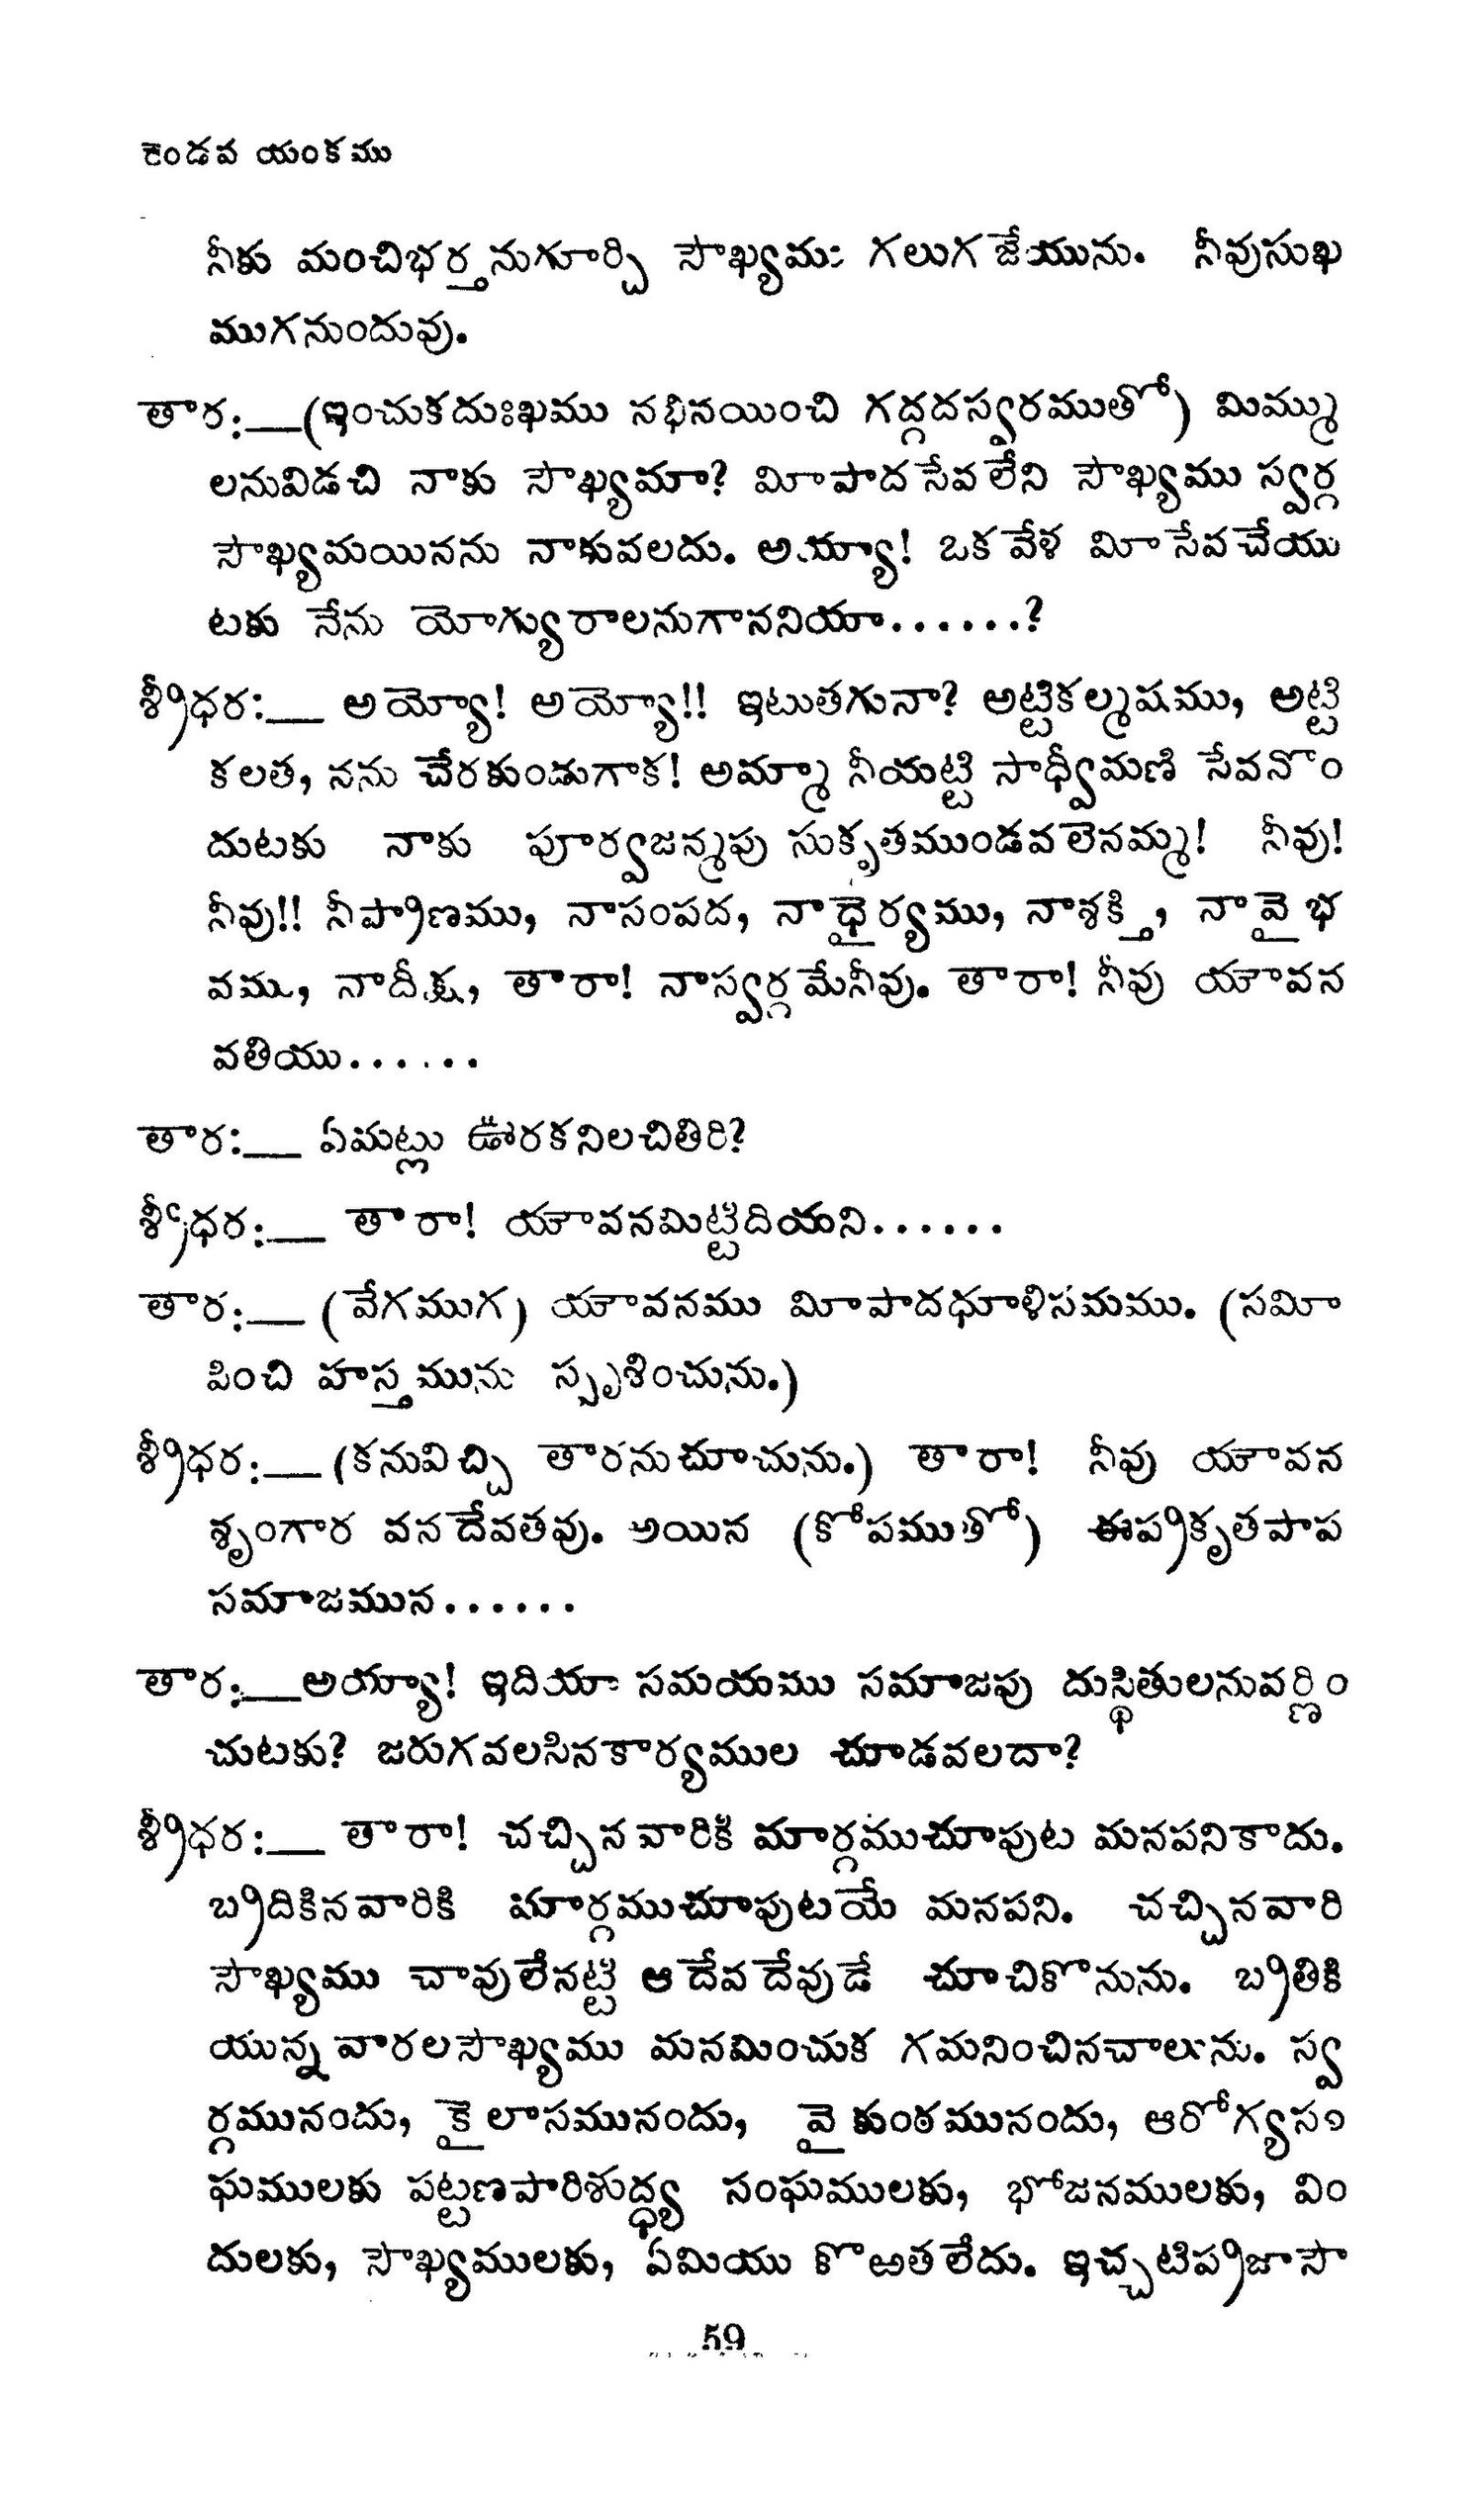నీకుభర్తంగూర్చి సౌఖ్యము గలుగజేయును. నీవుసుఖ ముగనుందువు.

తార:-(ఇంచుకదు:ఖము నభినయించి గద్గదస్వరముతో) మమ్ములనువిడిచి నాకు సౌఖ్యమా? మీపాదసేవలేని సౌఖ్యము స్వర్గసౌఖ్యమయినను నాకువలదు. అయ్యా! ఒకవేళ మీసేవచేయుటకు నేను యోగ్యురాలనుగాననియా....?

శ్రీధర:-అయ్యో! అయ్యో! ఇటుతగునా? అట్టికల్మషము, అట్టికలత, నను చేరకుండుగాక! అమ్మానీయట్టి సాధ్వీమణి సేవనొందుటకు నాకు పూర్వజన్మపు సుకృత్రముండవలెనమ్మ! నీవు! నీవు! నీప్రాణము, నాసంపద, నాదైర్యము, నాభక్తి, నావైబవము,నీదీక్ష, తారా! నాస్వర్గమేనీవు, తారా! నీవుయౌనశృంగార వతియు....

తార:-ఏమట్లు ఊరకనిలచితిరి?

శ్రీధర:-తారా! యౌవనమిట్టిదియని....

తార:-(వేగముగ) యౌవనము మీపాదధూళిసమము. (సమీపించి హస్తమును స్పృశించును)

శ్రీధర:-(కనువిచ్చి తారను చూచును) తారా! నీవుయౌవనశృంగార వనదేవతవు. అయిన (కోపముతో) ప్రకృతిపాపసమాజమున.....

తార:-అయ్యా! ఇదియా సమయము సమాజపు దుస్ధితులనువర్ణించుటకు? జరుగవలైనకార్యముల చూడవలదా?

శ్రీధర;- తారా! చచ్చినవారికి మార్గముచూపుట మనపనికాదు. బ్రదికినవారికి మార్గముచూపుటయే మనపని. చచ్చినవారి సౌఖ్యము చావులేనట్టి ఆ దేవదేవుడే చూచికొనును. బ్రతికియున్నవారల సౌఖ్యము మనమించుక గమనించిన చాలును. స్వర్గమునందు, కైలాసమునందు, వైకుంఠమునందు, ఆరోగ్యసంఘములకు పట్టణపారిశుద్ధ్య సంఘములకు, భోజనములకు, విందులకు, సౌఖ్యములకు, ఏమియు కొఱతలేదు. ఇచ్చటిప్రజాసౌ